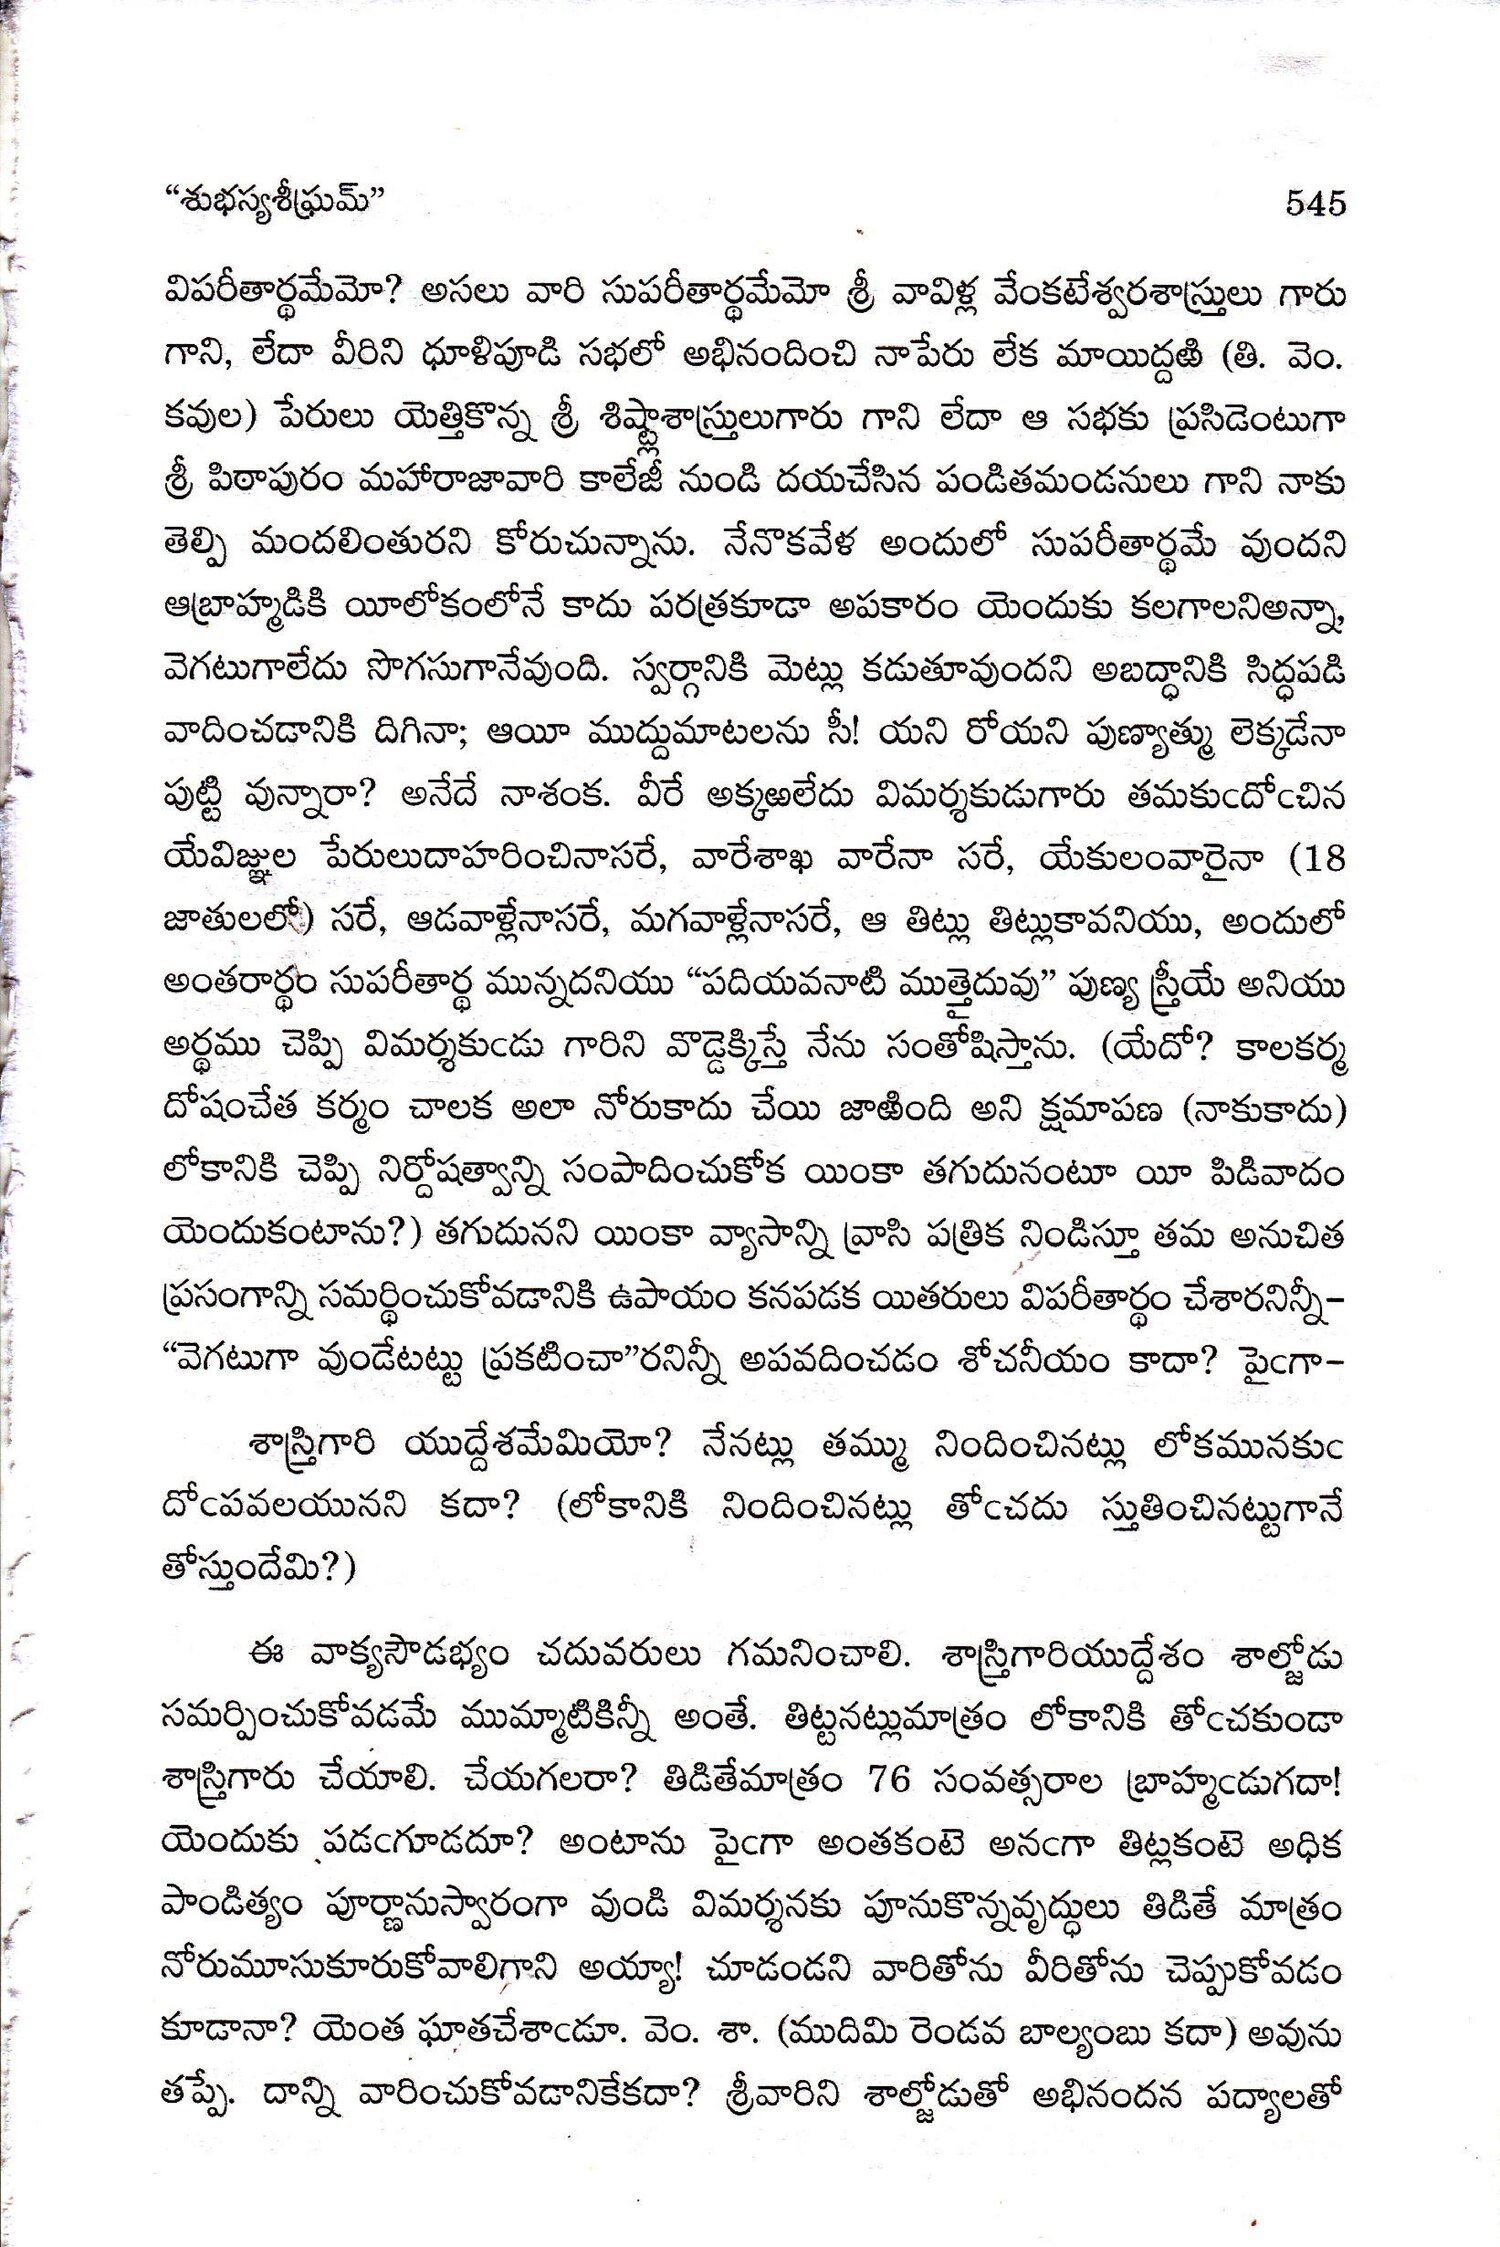విపరీతార్థమేమో? అసలు వారి సుపరీతార్థమేమో శ్రీ వావిళ్ల వేంకటేశ్వరశాస్త్రులు గారు గాని, లేదా వీరిని ధూళిపూడి సభలో అభినందించి నాపేరు లేక మాయిద్దఱి (తి. వెం. కవుల) పేరులు యెత్తికొన్న శ్రీ శిష్ట్లాశాస్త్రులుగారు గాని లేదా ఆ సభకు ప్రసిడెంటుగా శ్రీ పిఠాపురం మహారాజావారి కాలేజీ నుండి దయచేసిన పండితమండనులు గాని నాకు తెల్పి మందలింతురని కోరుచున్నాను. నేనొకవేళ అందులో సుపరీతార్ధమే వుందని ఆబ్రాహ్మడికి యీలోకంలోనే కాదు పరత్రకూడా అపకారం యెందుకు కలగాలనిఅన్నా వెగటుగాలేదు సొగసుగానేవుంది. స్వర్గానికి మెట్లు కడుతూవుందని అబద్ధానికి సిద్ధపడి వాదించడానికి దిగినా; ఆయీ ముద్దుమాటలను సీ! యని రోయని పుణ్యాత్ము లెక్కడేనా పుట్టి వున్నారా? అనేదే నాశంక. వీరే అక్కఱలేదు విమర్శకుడుగారు తమకుఁదోఁచిన యేవిజ్ఞుల పేరులుదాహరించినాసరే, వారేశాఖ వారేనా సరే, యేకులంవారైనా (18 జాతులలో) సరే, ఆడవాళ్లేనాసరే, మగవాళ్లేనాసరే, ఆ తిట్లు తిట్లుకావనియు, అందులో అంతరార్థం సుపరీతార్థ మున్నదనియు "పదియవనాటి ముతైదువు" పుణ్యస్త్రీయే అనియు అర్థము చెప్పి విమర్శకుఁడు గారిని వొడ్డెక్కిస్తే నేను సంతోషిస్తాను. (యేదో? కాలకర్మ దోషంచేత కర్మం చాలక అలా నోరుకాదు చేయి జాఱింది అని క్షమాపణ (నాకుకాదు) లోకానికి చెప్పి నిర్దోషత్వాన్ని సంపాదించుకోక యింకా తగుదునంటూ యీ పిడివాదం యెందుకంటాను?) తగుదునని యింకా వ్యాసాన్ని వ్రాసి పత్రిక నిండిస్తూ తమ అనుచిత ప్రసంగాన్ని సమర్థించుకోవడానికి ఉపాయం కనపడక యితరులు విపరీతార్థం చేశారనిన్నీ"వెగటుగా వుండేటట్టు ప్రకటించా"రనిన్నీ అపవదించడం శోచనీయం కాదా? పైఁగా

శాస్త్రిగారి యుద్దేశమేమియో? నేనట్లు తమ్ము నిందించినట్లు లోకమునకుఁ దోఁపవలయునని కదా? (లోకానికి నిందించినట్లు తోఁచదు స్తుతించినట్టుగానే తోస్తుందేమి?) 

ఈ వాక్యసౌడభ్యం చదువరులు గమనించాలి. శాస్త్రిగారియుద్దేశం శాల్జోడు సమర్పించుకోవడమే ముమ్మాటికిన్నీ అంతే. తిట్టనట్లుమాత్రం లోకానికి తోఁచకుండా శాస్త్రిగారు చేయాలి. చేయగలరా? తిడితేమాత్రం 76 సంవత్సరాల బ్రాహ్మఁడుగదా! యెందుకు పడఁగూడదూ? అంటాను పైఁగా అంతకంటె అనఁగా తిట్లకంటె అధిక పాండిత్యం పూర్ణానుస్వారంగా వుండి విమర్శనకు పూనుకొన్నవృద్దులు తిడితే మాత్రం నోరుమూసుకూరుకోవాలిగాని అయ్యా! చూడండని వారితోను వీరితోను చెప్పకోవడం కూడానా? యెంత ఘాతచేశాఁడూ. వెం. శా, (ముదిమి రెండవ బాల్యంబు కదా) అవును తప్పే. దాన్ని వారించుకోవడానికేకదా? శ్రీవారిని శాల్జోడుతో అభినందన పద్యాలతో